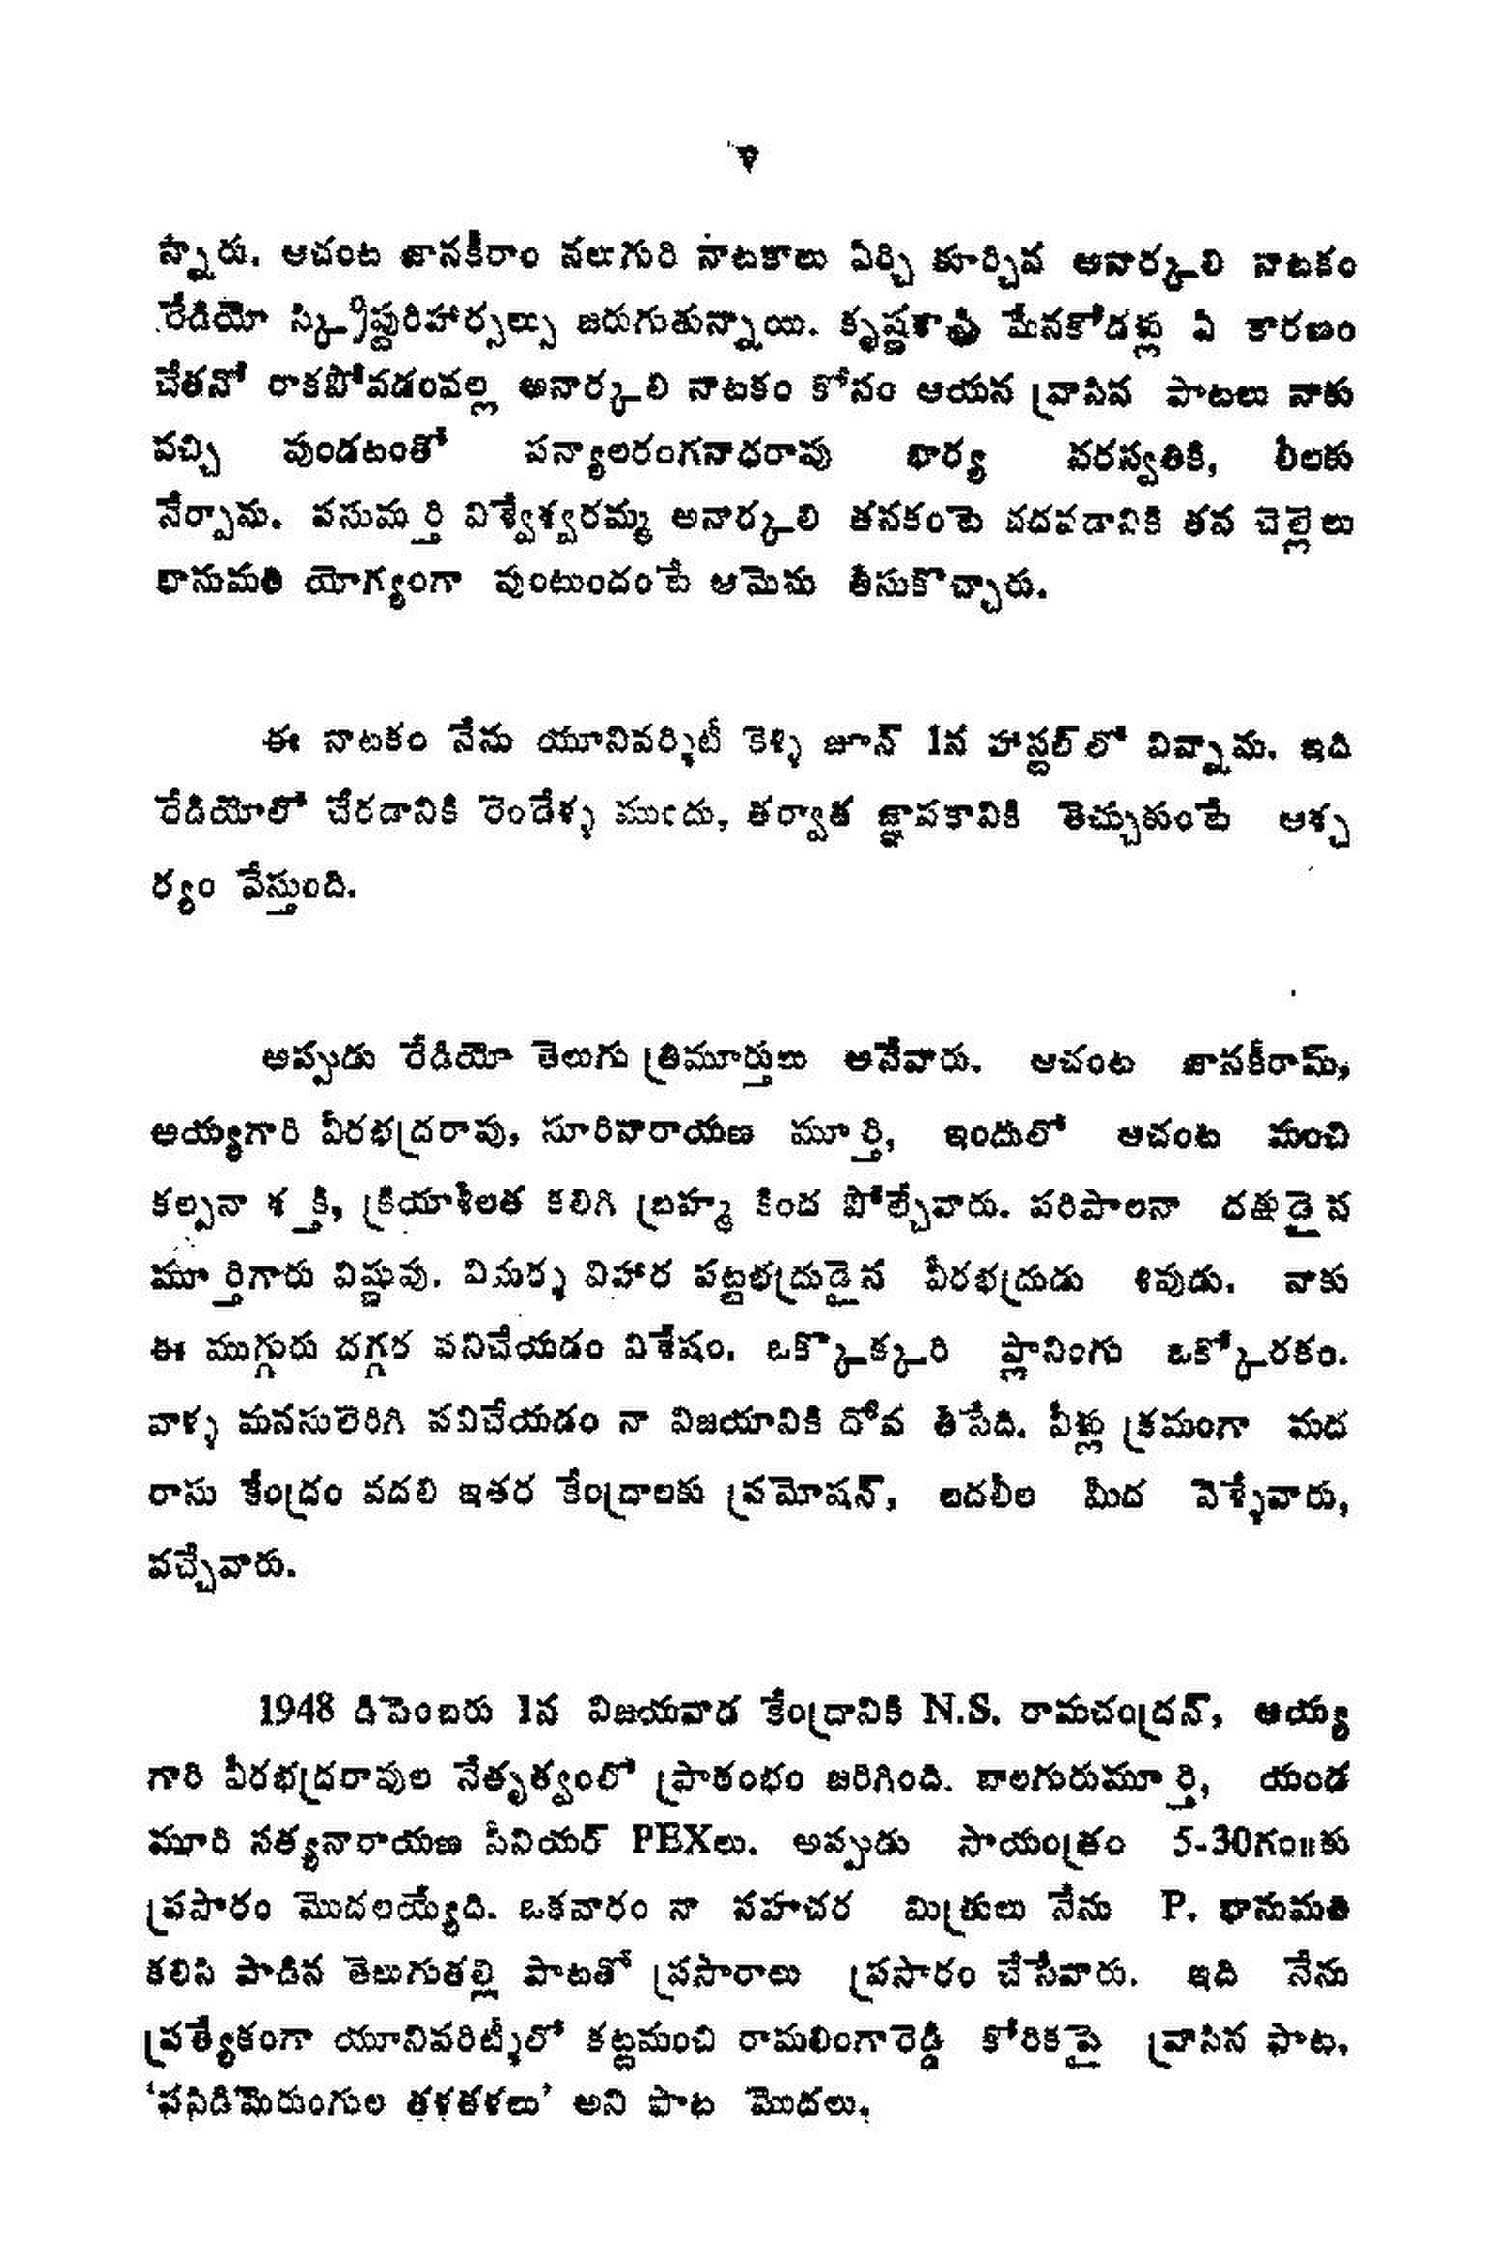న్నారు. ఆచంట జానకీరాం నలుగురి నాటకాలు ఏర్చి కూర్చిన అనార్కలి నాటకం రేడియో స్క్రిప్టురిహార్సల్సు జరుగుతున్నాయి. కృష్ణశాస్త్రి మేనకోడళ్లు ఏ కారణం చేతనో రాకపోవడంవల్ల అనార్కలి నాటకం కోసం ఆయన వ్రాసిన పాటలు నాకు వచ్చి వుండటంతో పన్యాలరంగనాధరావు భార్య సరస్వతికి, లీలకు నేర్పాను. వసుమర్తి విశ్వేశ్వరమ్మ అనార్కలి తనకంటె చదవడానికి తన చెల్లెలు భానుమతి యోగ్యంగా వుంటుందంటే ఆమెను తీసుకొచ్చారు.

ఈ నాటకం నేను యూనివర్శిటీ కెళ్ళి జూన్ 1 వ హాస్టల్ లో విన్నాను. ఇది రేడియోలో చేరడానికి రెండేళ్ళ ముందు, తర్వాత జ్ఞాపకానికి తెచ్చుకుంటే ఆశ్చర్యం వేస్తుంది.

అప్పుడు రేడియో తెలుగు త్రిమూర్తులు అనేవారు. ఆచంట జానకీరామ్, అయ్యగారి వీరభద్రరావు, సూరినారాయణ మూర్తి, ఇందులో ఆచంట మంచి కల్పనా శక్తి, క్రియాశీలత కలిగి బ్రహ్మ కింద పోల్చేవారు. పరిపాలనా దక్షుడైన మూర్తిగారు విష్ణువు. విమర్శ విహార పట్టభద్రుడైన వీరభద్రుడు శివుడు. నాకు ఈ ముగ్గురు దగ్గర పనిచేయడం విశేషం. ఒక్కొక్కరి ప్లానింగు ఒక్కోరకం. వాళ్ళ మనసులెరిగి పనిచేయడం నా విజయానికి దోవ తీసేది. వీళ్లు క్రమంగా మదరాసు కేంద్రం వదలి ఇతర కేంద్రాలకు ప్రమోషన్, బదలీల మీద వెళ్ళేవారు, వచ్చేవారు.

1948 డిసెంబరు 1 న విజయవాడ కేంద్రానికి N. S. రామచంద్రన్, అయ్యగారి వీరభద్రరావుల నేతృత్వంలో ప్రారంభం జరిగింది. బాలగురుమూర్తి, యండమూరి సత్యనారాయణ సీనియర్ PEXలు. అప్పుడు సాయంత్రం 5-30 గం॥కు ప్రసారం మొదలయ్యేది. ఒకవారం నా సహచర మిత్రులు నేను P. భానుమతి కలిసి పాడిన తెలుగుతల్లి పాటతో ప్రసారాలు ప్రసారం చేసేవారు. ఇది నేను ప్రత్యేకంగా యూనివర్శిటీలో కట్టమంచి రామలింగారెడ్డి కోరికపై వ్రాసిన పాట. 'పసిడిమెరుంగుల తళతళలు' అని పాట మొదలు.